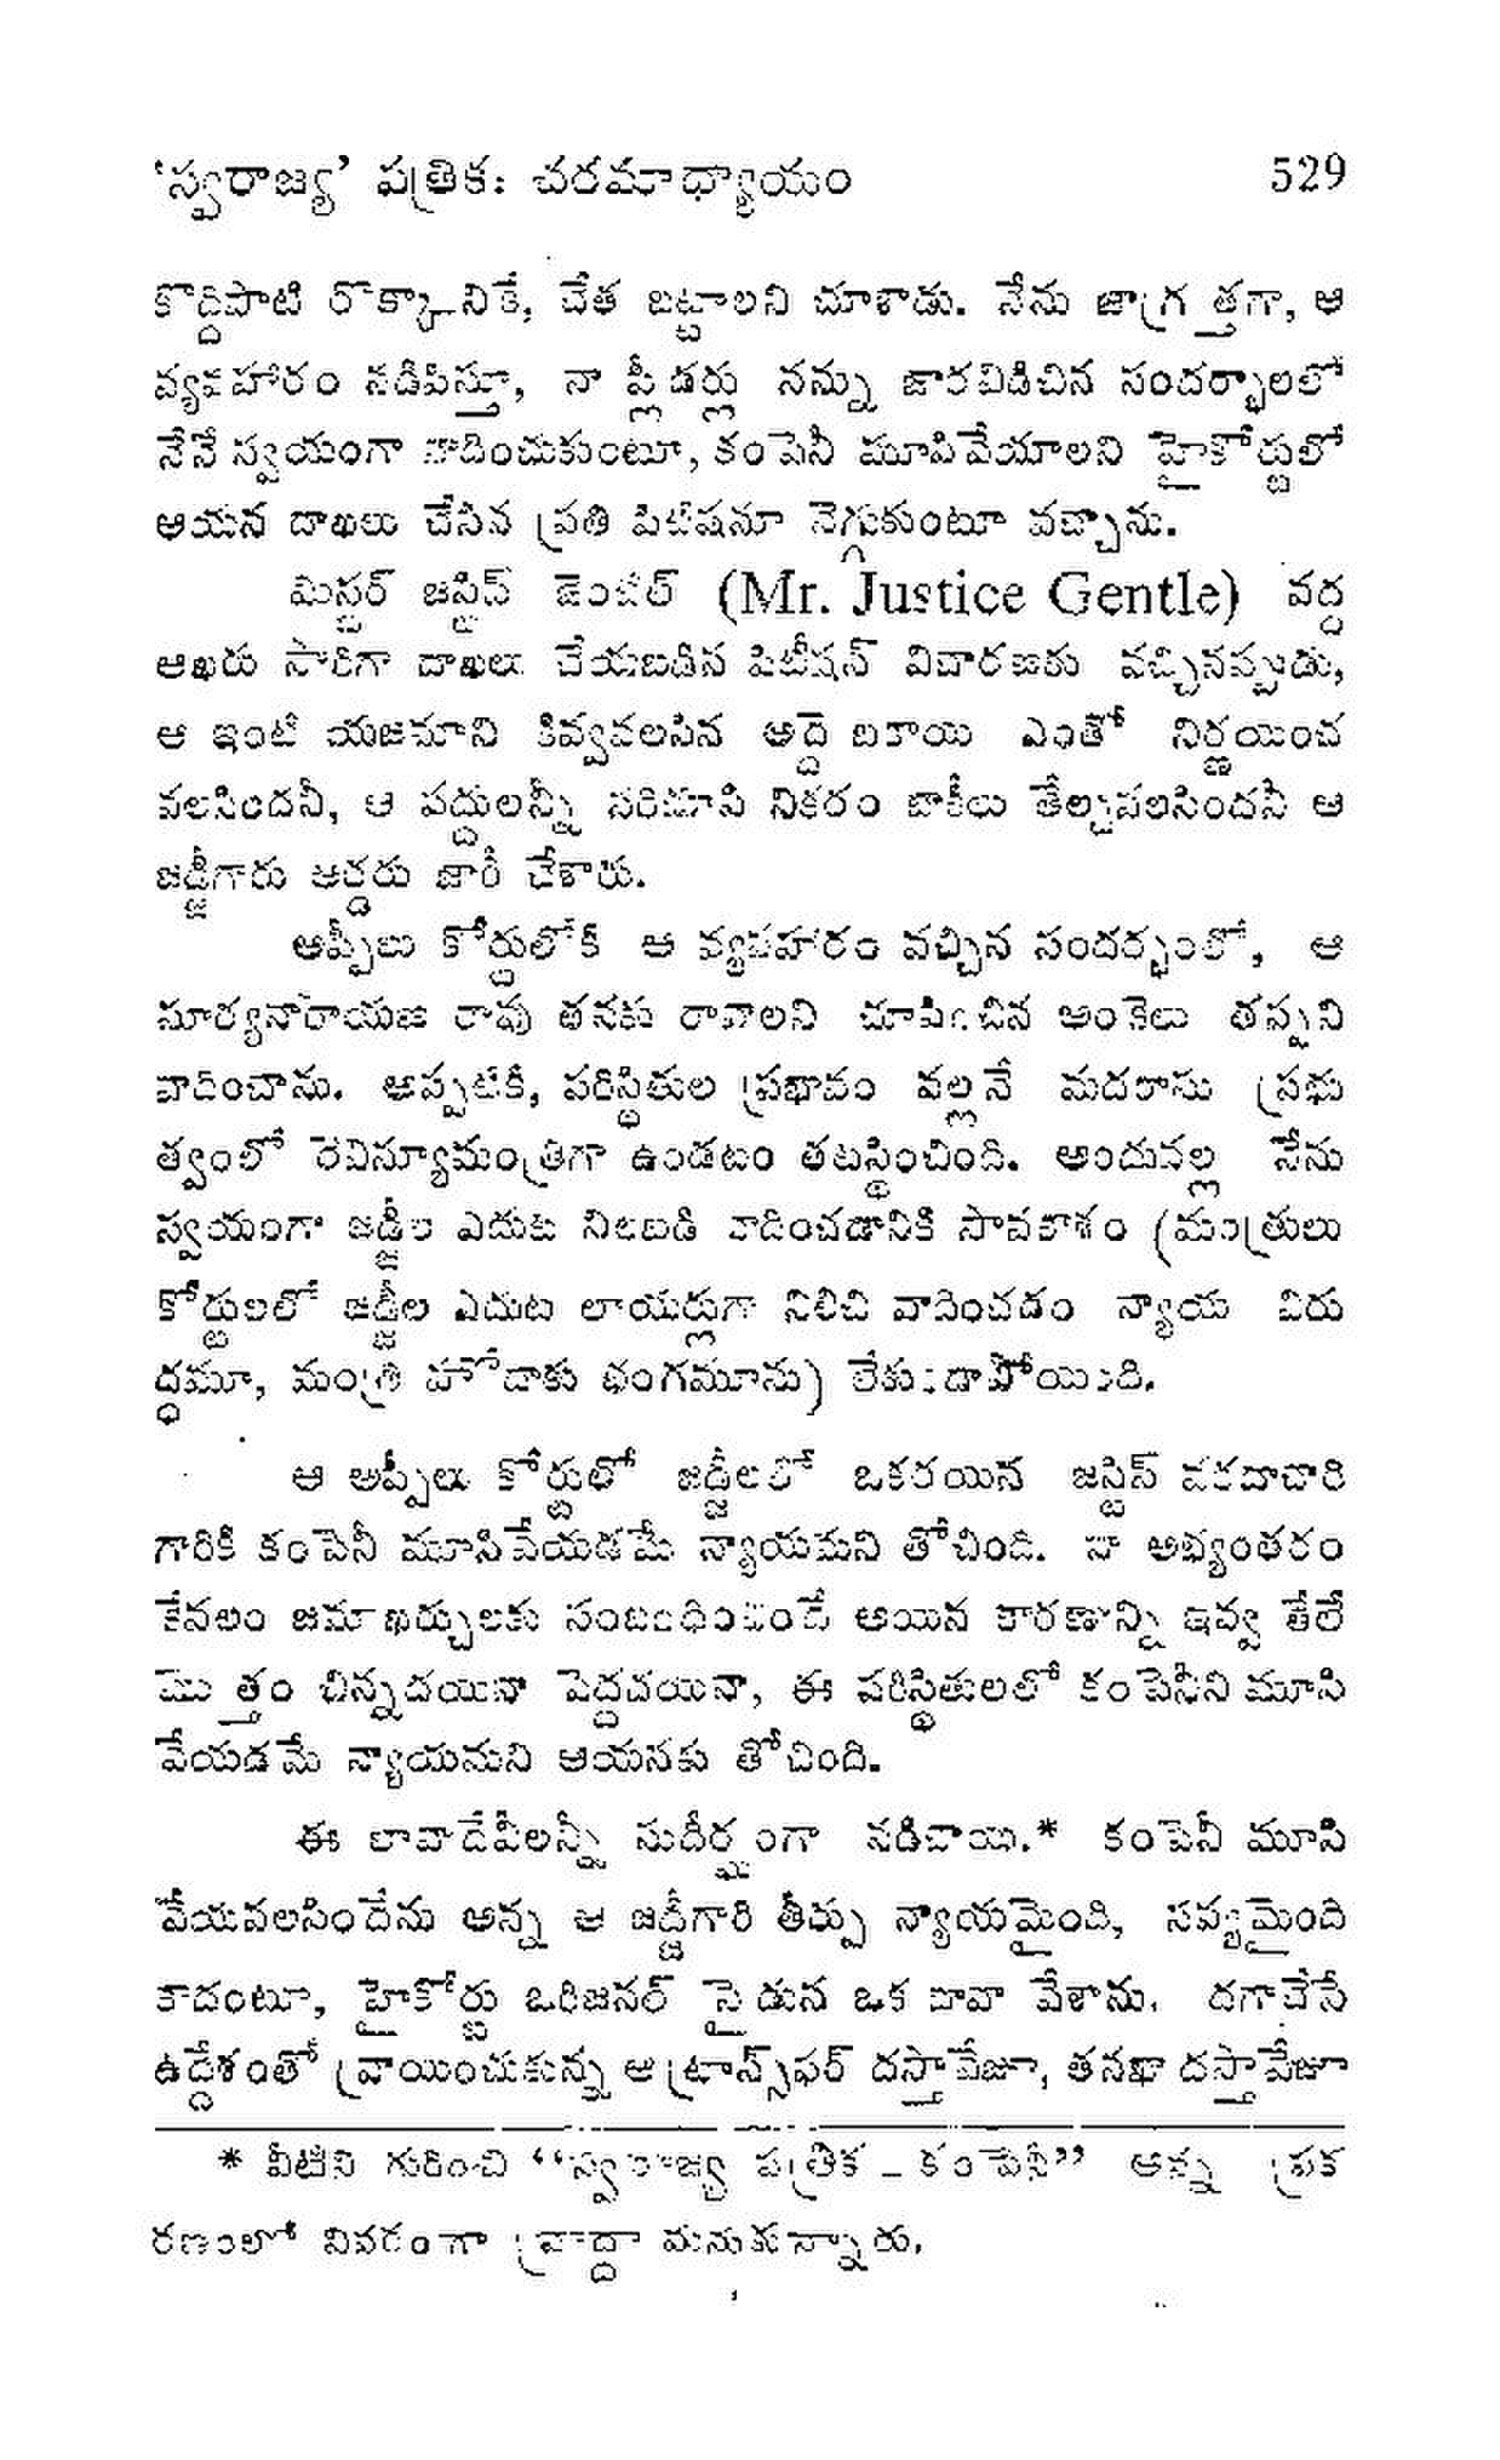కొద్దిపాటి రొక్కానికే, చేత బట్టాలని చూశాడు. నేను జాగ్రత్తగా, ఆ వ్యవహారం నడిపిస్తూ, నా ప్లీడర్లు నన్ను జారవిడిచిన సందర్భాలలో నేనే స్వయంగా వాదించుకుంటూ, కంపెనీ మూసివేయాలని హైకోర్టులో ఆయన దాఖలు చేసిన ప్రతి పిటీషనూ నెగ్గుకుంటూ వచ్చాను.

మిస్టర్ జస్టిస్ జెంటిల్ (Mr. Justice Gentle) వద్ద ఆఖరు సారిగా దాఖలు చేయబడిన పిటీషన్ విచారణకు వచ్చినప్పుడు, ఆ ఇంటి యజమాని కివ్వవలసిన అద్దె బకాయి ఎంతో నిర్ణయించ వలసిందనీ, ఆ పద్దులన్నీ సరిచూసి నికరం బాకీలు తేల్చవలసిందనీ ఆ జడ్జీగారు ఆర్డరు జారీ చేశారు.

అప్పీలు కోర్టులోకి ఆ వ్యవహారం వచ్చిన సందర్భంలో, ఆ సూర్యనారాయణ రావు తనకు రావాలని చూపించిన అంకెలు తప్పని వాదించాను. అప్పటికి, పరిస్థితుల ప్రభావం వల్లనే మదరాసు ప్రభుత్వంలో రెవిన్యూమంత్రిగా ఉండటం తటస్థించింది. అందువల్ల నేను స్వయంగా జడ్జీల ఎదుట నిలబడి వాదించడానికి సావకాశం (మంత్రులు కోర్టులలో జడ్జీల ఎదుట లాయర్లుగా నిలిచి వాదించడం న్యాయ విరుద్ధమూ, మంత్రి హోదాకు భంగమూను) లేకుండాపోయింది.

ఆ అప్పీలు కోర్టులో జడ్జీలలో ఒకరయిన జస్టిస్ వరదాచారి గారికి కంపెనీ మూసి వేయడమే న్యాయమని తోచింది. నా అభ్యంతరం కేవలం జమాఖర్చులకు సంబంధించిందే అయిన కారణాన్ని ఇవ్వ తేలే మొత్తం చిన్నదయినా పెద్దదయినా, ఈ పరిస్థితులలో కంపెనీని మూసి వేయడమే న్యాయమని ఆయనకు తోచింది.

ఈ లావాదేవీలన్నీ సుదీర్ఘంగా నడిచాయి. కంపెనీ మూసివేయ వలసిందేను అన్న ఆ జడ్జీగారి తీర్పు న్యాయమైంది, సవ్యమైంది కాదంటూ, హైకోర్టు ఒరిజనల్ సైడున ఒక దావా వేశాను. దగాచేసే ఉద్దేశంతో వ్రాయించుకున్న ఆ ట్రాన్స్‌ఫర్ దస్తావేజూ, తనఖా దస్తావేజూ